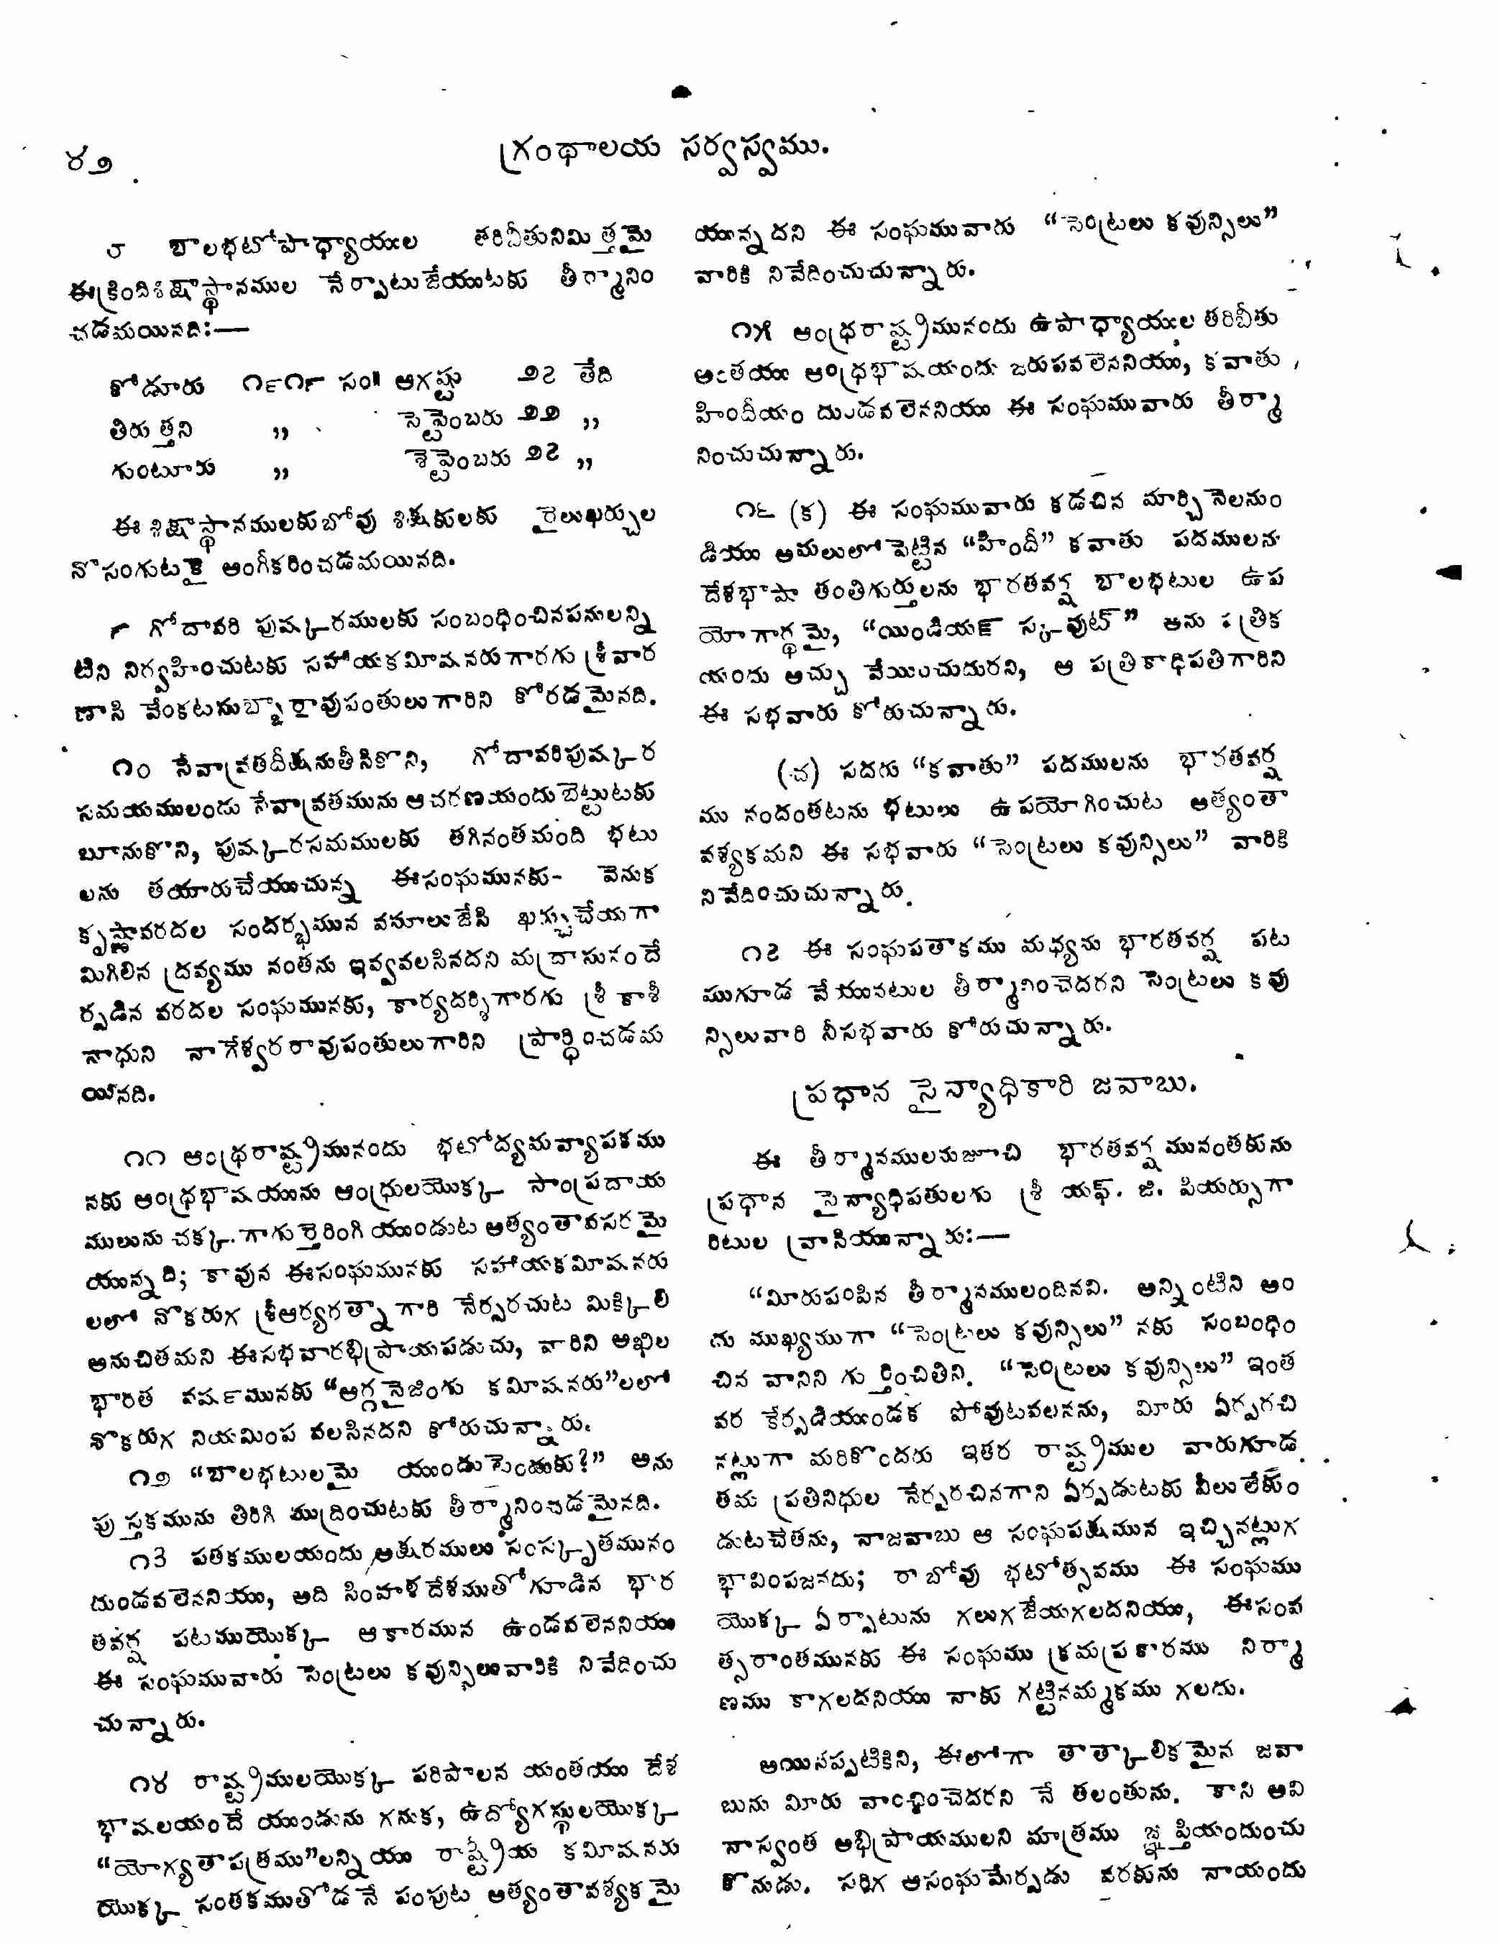బాలభటోపాధ్యాయుల తరిచీతునిమిత్తమై ఈక్రింది శిక్షా స్థానములు నేర్పాటు జేయుటకు తీర్మానించడమయినది:-

ఈ శిక్షాస్థానములకుబోవు శిక్షకులకు రైలు ఖర్చుల నొసంగుటకై' అంగీకరించడమయినది.

౯ గోదావరి పుష్కరములకు సంబంధించిన పనులన్నిటీని నిర్వహించుటకు సహాయ కమీషనరుగారగు శ్రీవారణాసి వెంకట సుబ్బారావుపంతులుగారిని కోరడమైనది.

౧౦ సేవావ్రతదీక్షును తీసికొని, గోదావరి పుష్కర సమయములందు సేవావ్రతమును ఆచరణయందు బెట్టుటకు బూనుకొని, పుష్కరసమములకు తగినంతమంది భటులను తయారుచేయుచున్న ఈ సంఘమునకు వెనుక కృష్ణావరదల సందర్భమున వసూలు జేసి ఖర్చు చేయగా మిగిలిన ద్రవ్యము నంతను ఇవ్వవలసినదని మద్రాసునందేర్పడిన వరదల సంఘమునకు, కార్యదర్శిగారుగు శ్రీ కాశీ
నాధుని నాగేశ్వర రావుపంతులుగారిని ప్రార్ధించడమయినది.

౧౧ ఆంధ్రరాష్ట్రమునందు భటోద్యమ వ్యాపకముసకు ఆంధ్రభాషయును ఆంధ్రులయొక్క సాంప్రదాయములును చక్కగా గుర్తెరింగి యుండుట అత్యంతావసరమై యున్నది; కావున ఈ సంఘమునకు సహాయ కమిషనరులలో నొకరుగ శ్రీఆర్యగత్నాగారి నేర్పరచుట మిక్కిలి
అనుచితమని ఈ సభ వారభిప్రాయపడుచు, వారిని అఖిల భారత వష౯ణమునకు "అగ్గనైజింగు కమీషనరు” లలో నొకరుగ నియమింప వలసినదని కోరుచున్నారు.

౧౨ "బాలభటులమై యుండుకెందుకు?" అను పుస్తకమును తిరిగి ముద్రించుటకు తీర్మానించడమైనది.

౧౩ పతకములయందు అక్షరములు సంస్కృతమునందుండవలెననియు, అది సింహళదేశముతో గూడిన భారతవర్ష పటముయొక్క ఆకారమున ఉండవలెననియు ఈ సంఘమువారు సెంట్రలు కవున్సిలు వారికి నివేదించు చున్నారు.

౧౪ రాష్ట్రముల యొక్క పరిపాలన యంతయు దేశభాషలయందే యుండును గనుక, ఉద్యోగస్థులయొక్క “యోగ్యతా పత్రము” లన్నియు రాష్ట్రీయ కమిషనరు సంతకముతోడనే పంపుట అత్యంతావశ్యకమై యున్నదని ఈ సంఘమువారు సెంట్రలు కవున్సిలు వారికి నివేదించు చున్నారు. 
యొక్క
౧౫ ఆంధ్రరాష్ట్రమునందు ఉపాధ్యాయుల తరిబీతు అంతయు ఆంధ్రభాషయందు జరుపవలెననియు, కవాతు, హిందీయం 
దుండవలెననియు ఈ సంఘమువారు తీర్మానించుచున్నారు.

౧౬ (క) ఈ సంఘమువారు కడచిన మార్చి నెలనుండియు అమలులో పెట్టిన "హిందీ” కవాతు పదములను దేశభాషా తంతిగుర్తులను భారతవర్ష బాలభటుల ఉపయోగార్థమై, “యిండియన్ స్కవుట్" అను పత్రిక యందు అచ్చు వేయించుదురని, ఆ పత్రికాధిపతిగారిని
ఈ సభవారు కోరుచున్నారు.
 
(చ) సదరు “కవాతు" పదములను భారతవర్షము నందంతటను భటులు ఉపయోగించుట అత్యంతావశ్యకమని ఈ సభవారు “సెంట్రలు కవున్సిలు” వారికి నివేదించుచున్నారు.

౧౭ ఈ సంఘపతాకము మధ్యను భారతవర్ష పటముగూడ వేయనటులు తీర్మానించెదరని సెంట్రలు కవున్సిలువారి నీసభవారు కోరుచున్నారు.

ఈ తీర్మానములనుజూచి భారతవర్ష మువంతకును ప్రధాన సైన్యాధిపతులగు శ్రీ యఫ్.జి. పియర్సుగారిటుల వ్రాసియున్నారు:౼

“మీరు పంపిన తీర్మానములందినవి. అన్నింటిని అందు ముఖ్యముగా "సెంట్రలు కవున్సిలు" నకు సంబంధించిన వానిని గుర్తించితిని "సెంట్రలు కవున్సిలు" ఇంతవర కేర్పడియుండక పోవుటవలనను, మీరు ఏర్పరచినట్లుగా మరికొందరు ఇతర రాష్ట్రముల వారుగూడ.
తమ ప్రతినిధుల నేర్పరచిన గాని ఏర్పడుటకు వీలులేకుందుటచేతను, నాజవాబు ఆ సంఘపమున ఇచ్చినట్లుగ భావింపజనదు; రాబోవు భటోత్సవము ఈ సంఘము యొక్క ఏర్పాటును గలుగ జేయగలదనియు, ఈ సంవత్సరాంతమునకు ఈ సంఘము క్రమప్రకారము నిర్మా
ణము కాగలదనియు నాకు గట్టి నమ్మకము గలదు.

అయినప్పటికిని, ఈలోగా తాత్కాలిక మైన జవాబును మీరు వాంచించెదరని నేతలంతును. కాని అవి నాస్వంత అభిప్రాయములని మాత్రము జ్ఞప్తియందుంచు కొనుడు. సరిగ ఆసంఘమేర్పడు వరకును నాయందు